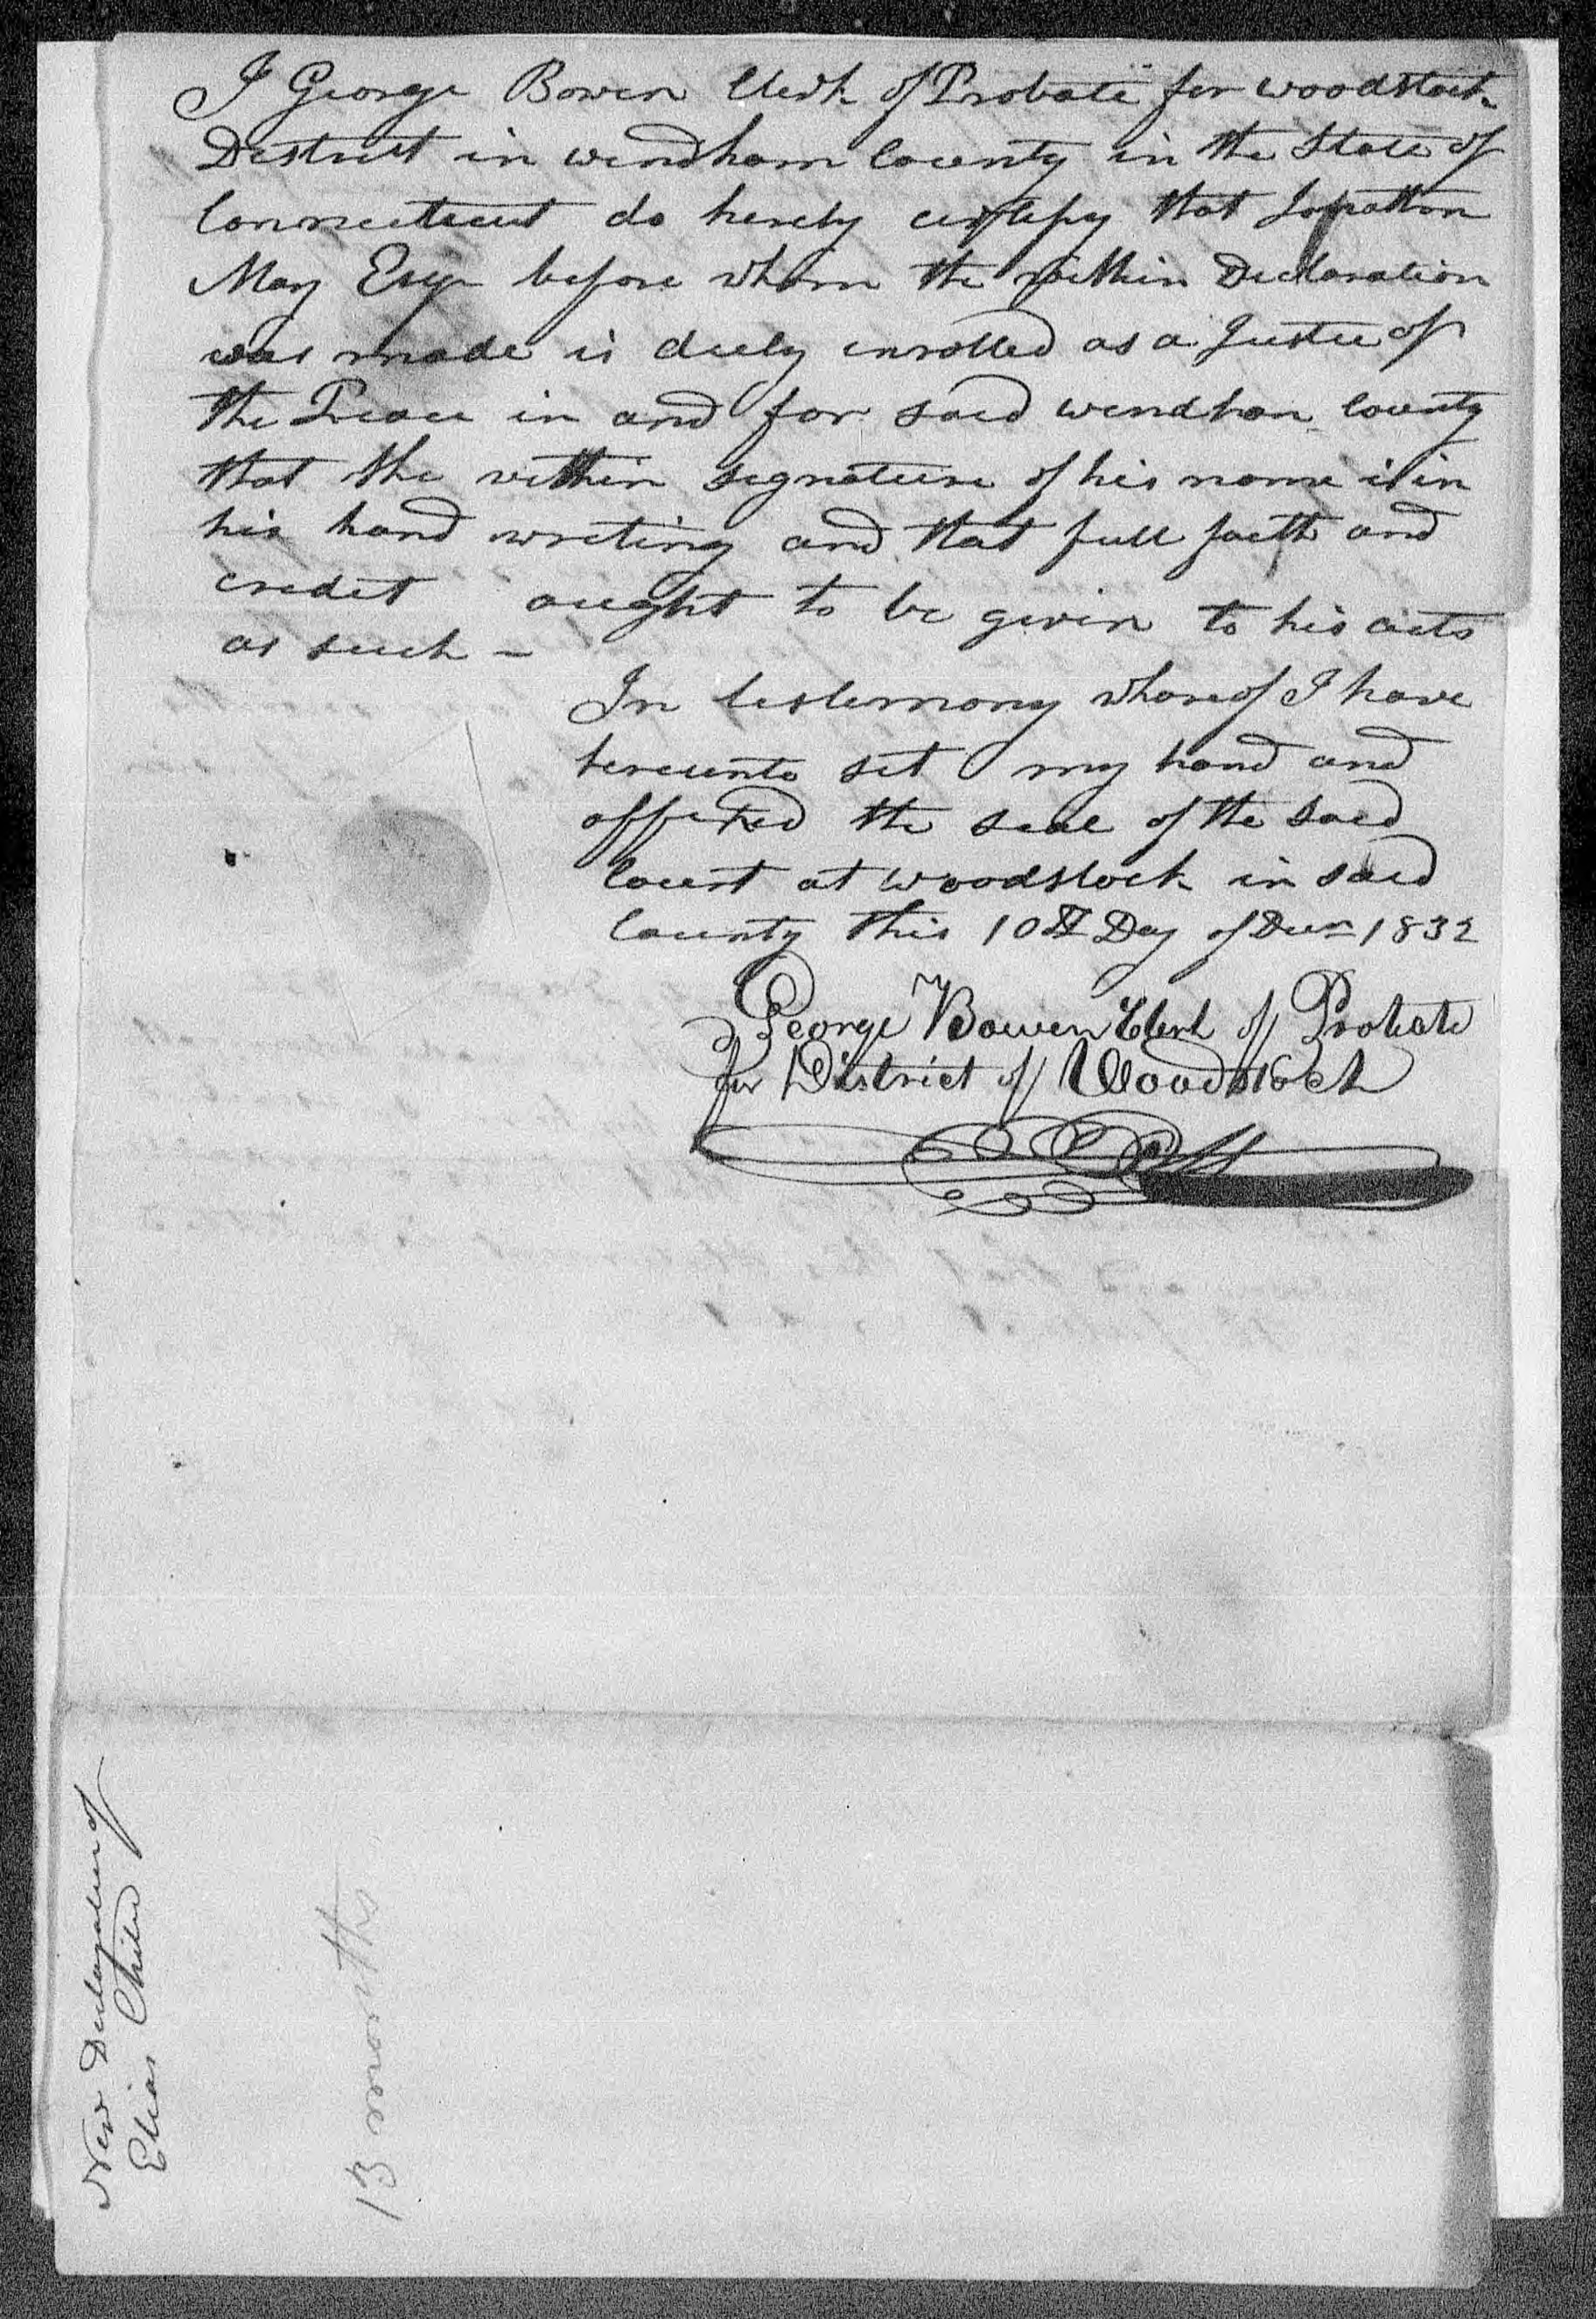I George Bowen Clerk of Probate for Woodstock District in Windham County in the State of Connecticut do hereby certify that Jonathon May Esq before whom the within declaration was made is duly made as a Justice of the Peace in and for said Windham County that the within signature of his name is in his hand writing and that full facts and credit ought to be given to his acts as such - 
In testimony where I have hereunto set my hand and affixed the seal Court at Woodstock in said County this 10th day of Dec 1832
George Bowen Clerk of Probate for District of Woodstock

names: Elias Child, George Bowen, Jonathan May, George Bowen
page: 25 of 34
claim: survivor's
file: S. 31,605, Elias Child, Conn.